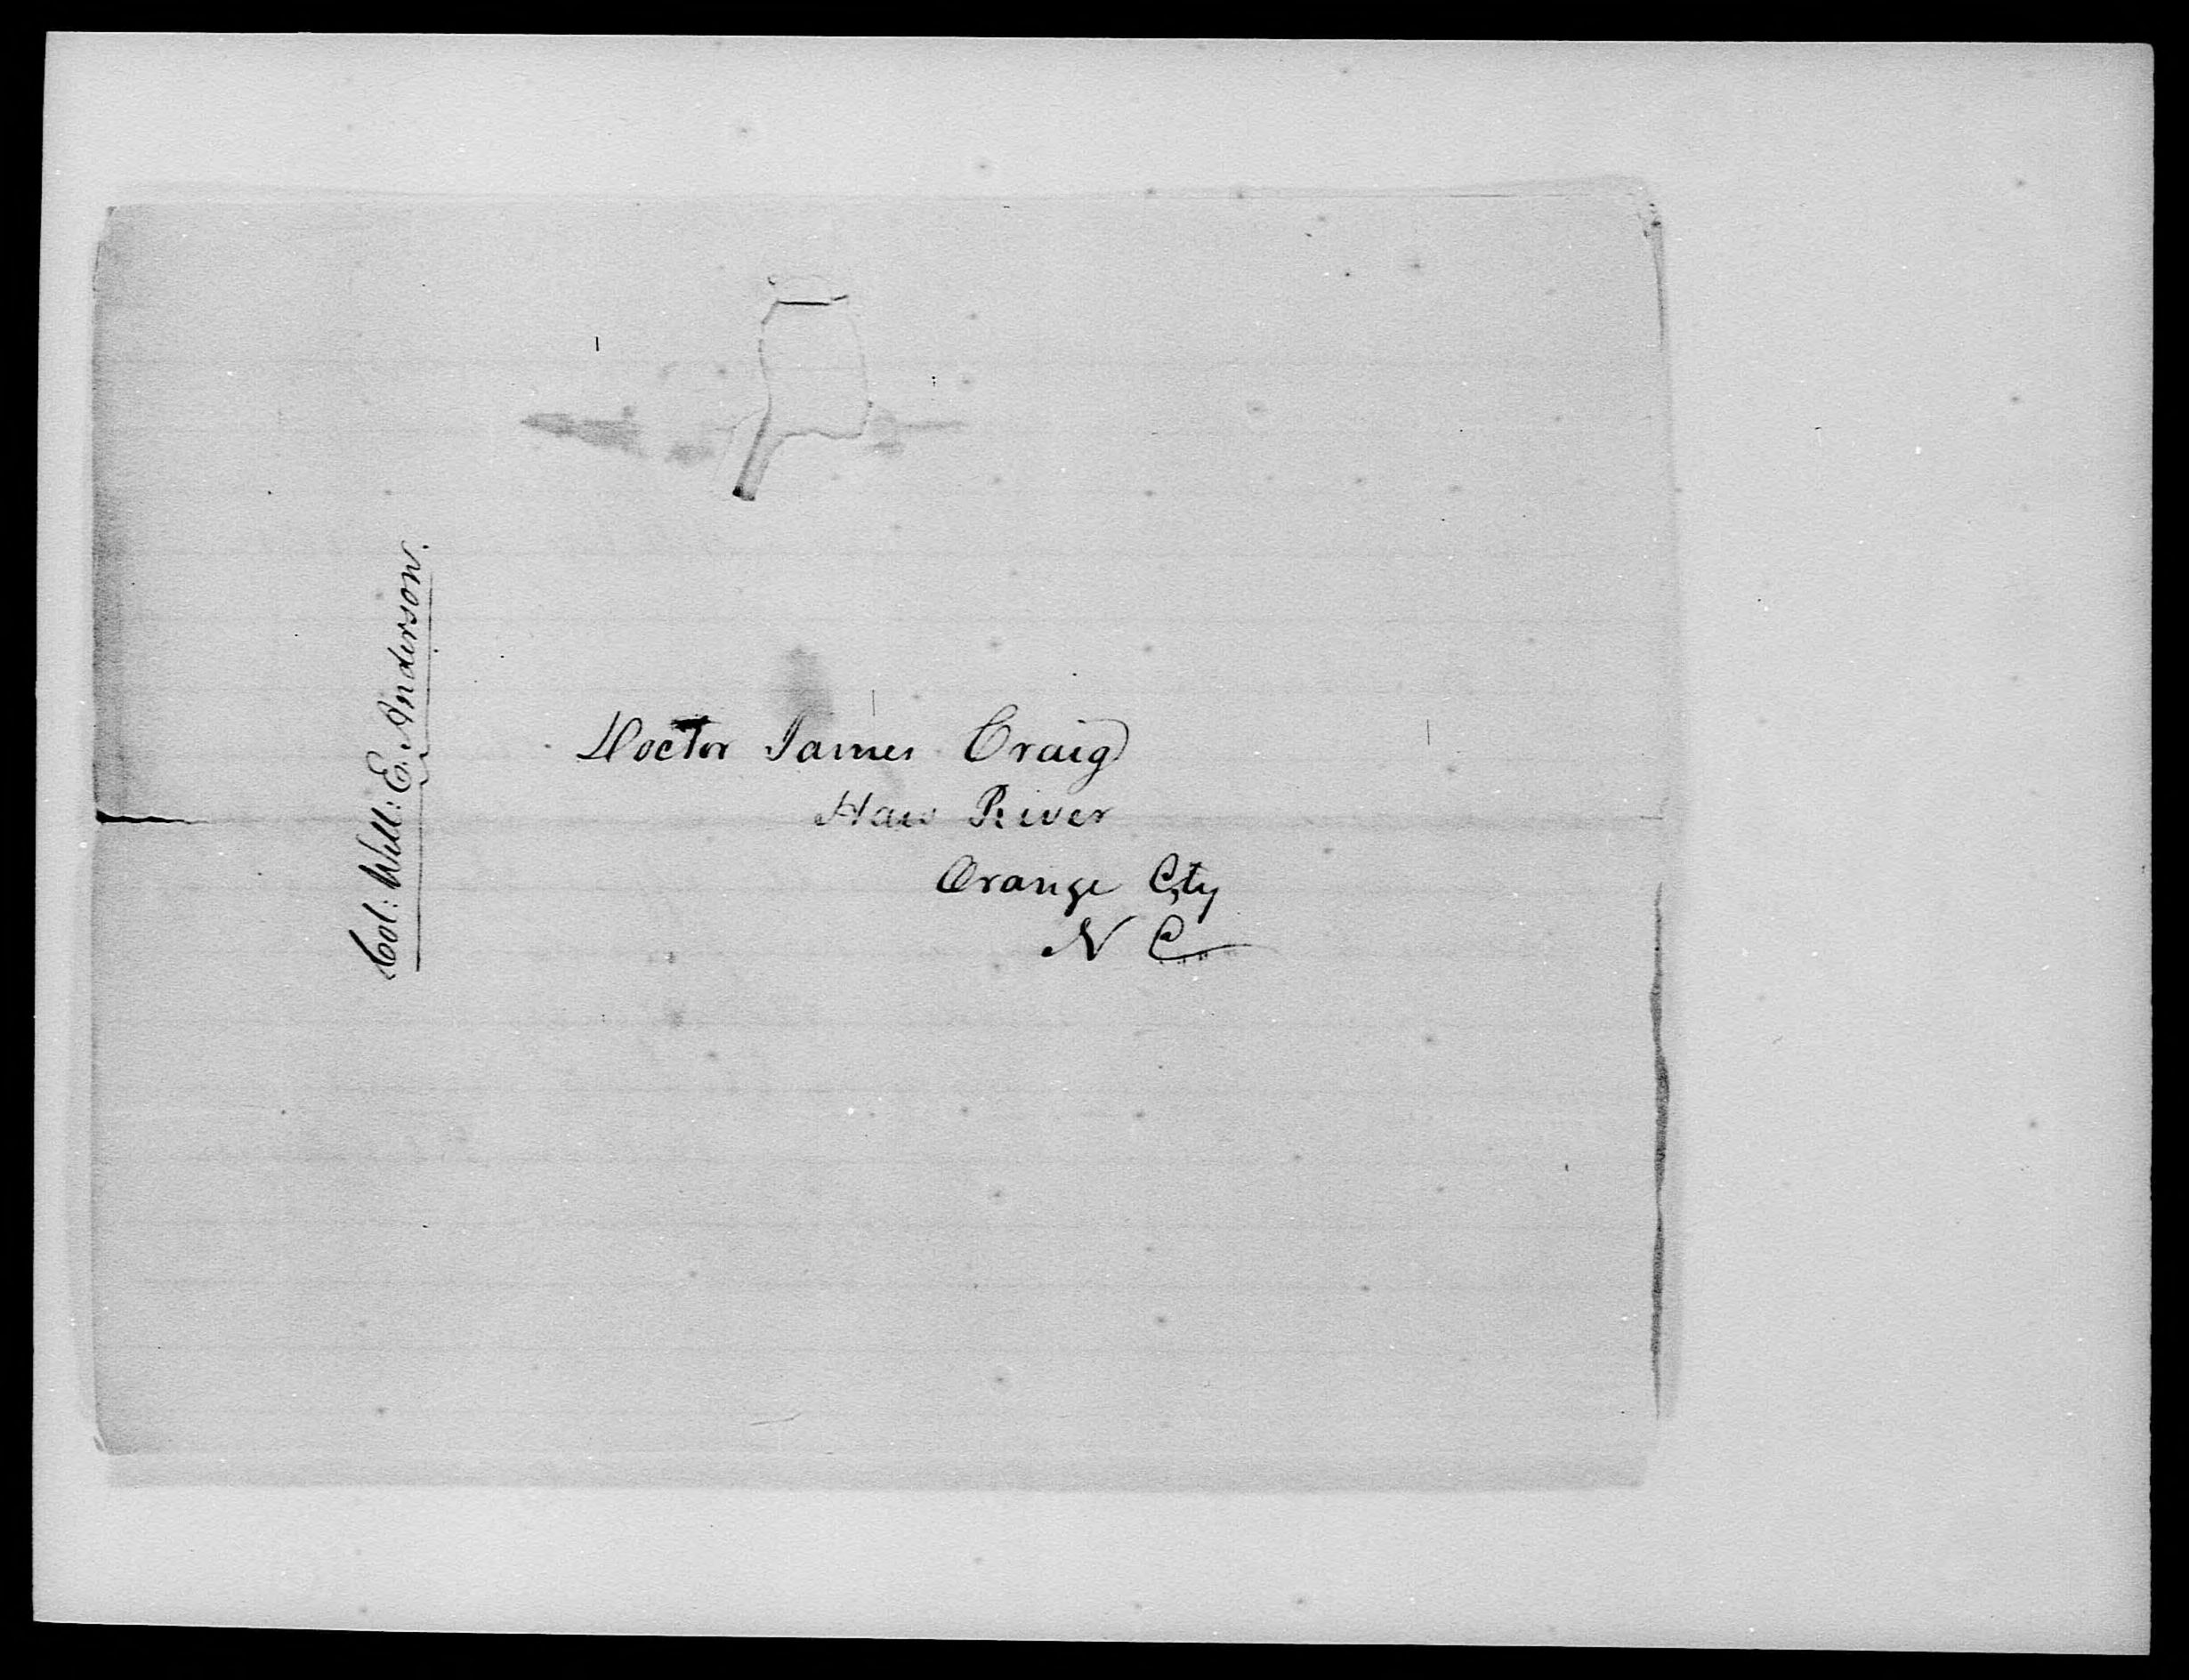[Handwritten document, with small tear near the top middle portion of the page.]

[On the left side of the page, near the margin, there is written perpendicularly, underlined:] Col. Will: E. Anderson.]

Doctor James Craig
Haw River
Orange Cty [probably meaning County]
NC [North Carolina]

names: James Craig, Will E Anderson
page: 111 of 145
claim: survivor's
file: S. 8265, William Cumming, N.C.